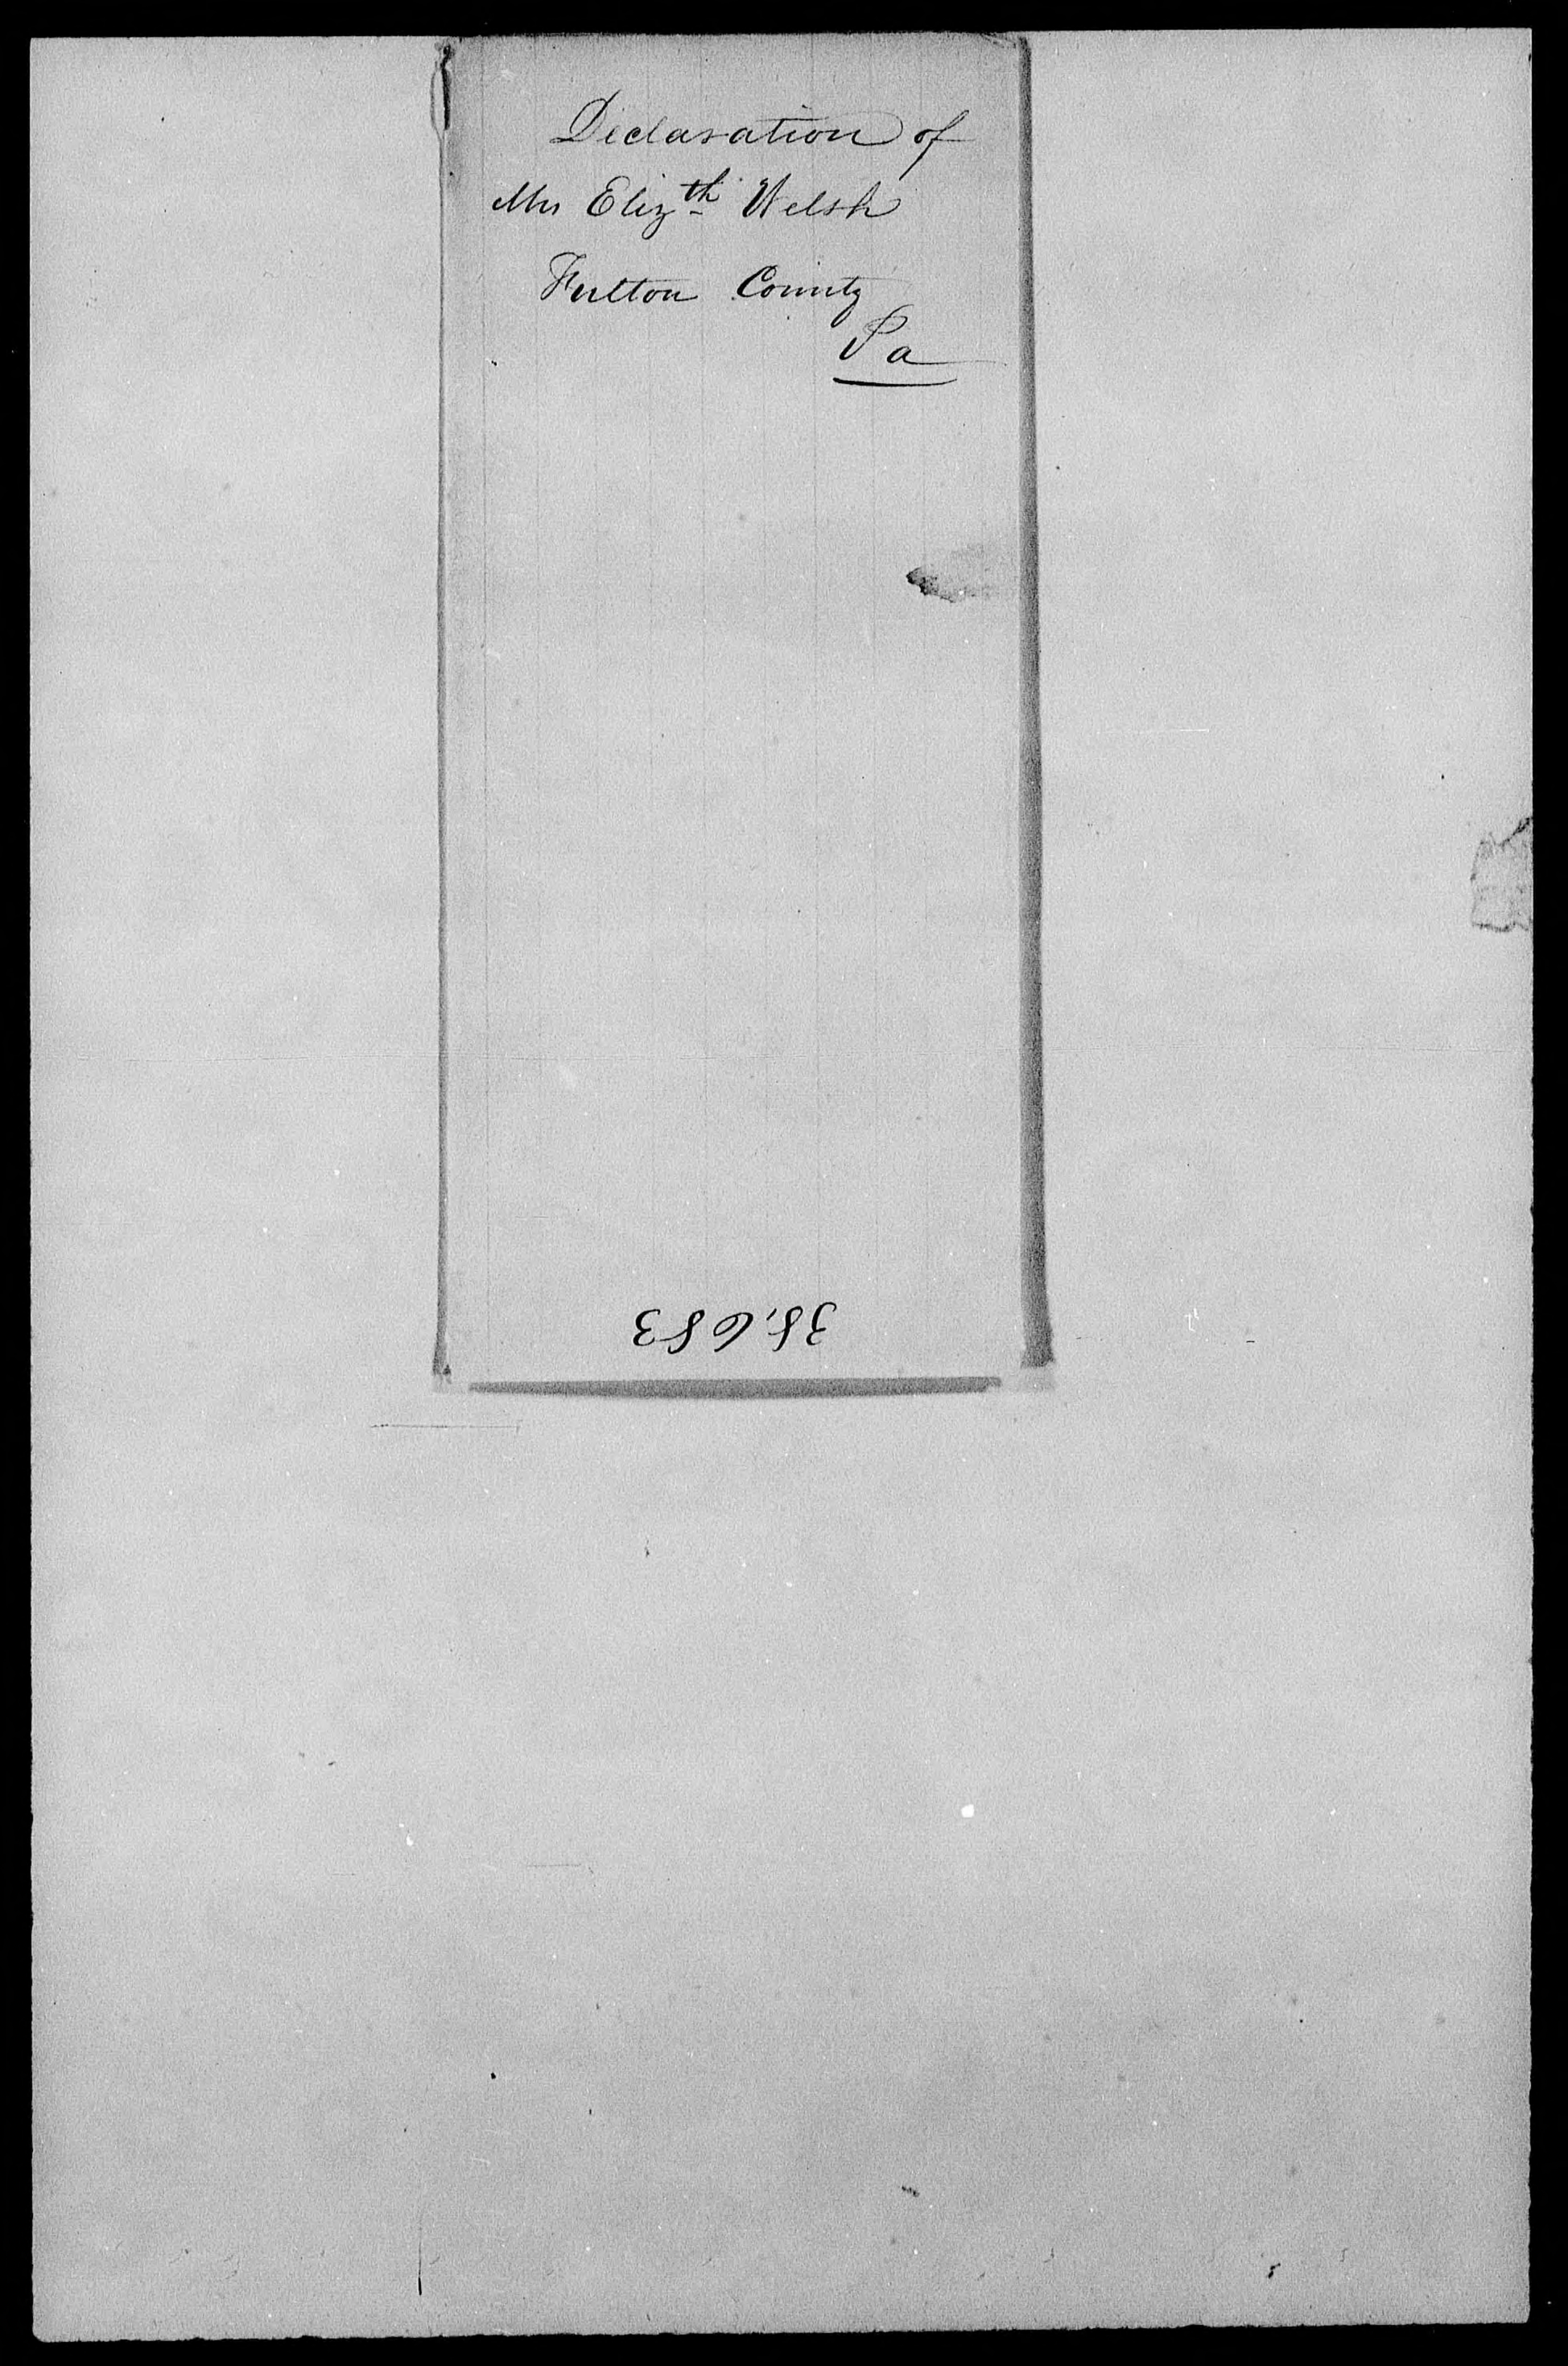Declaration of
Mrs Elizth Welsh
Fulton County
Pa

38,683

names: Elizth Welsh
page: 28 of 35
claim: rejected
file: R. 2,650, Daniel Daniels, Penn.